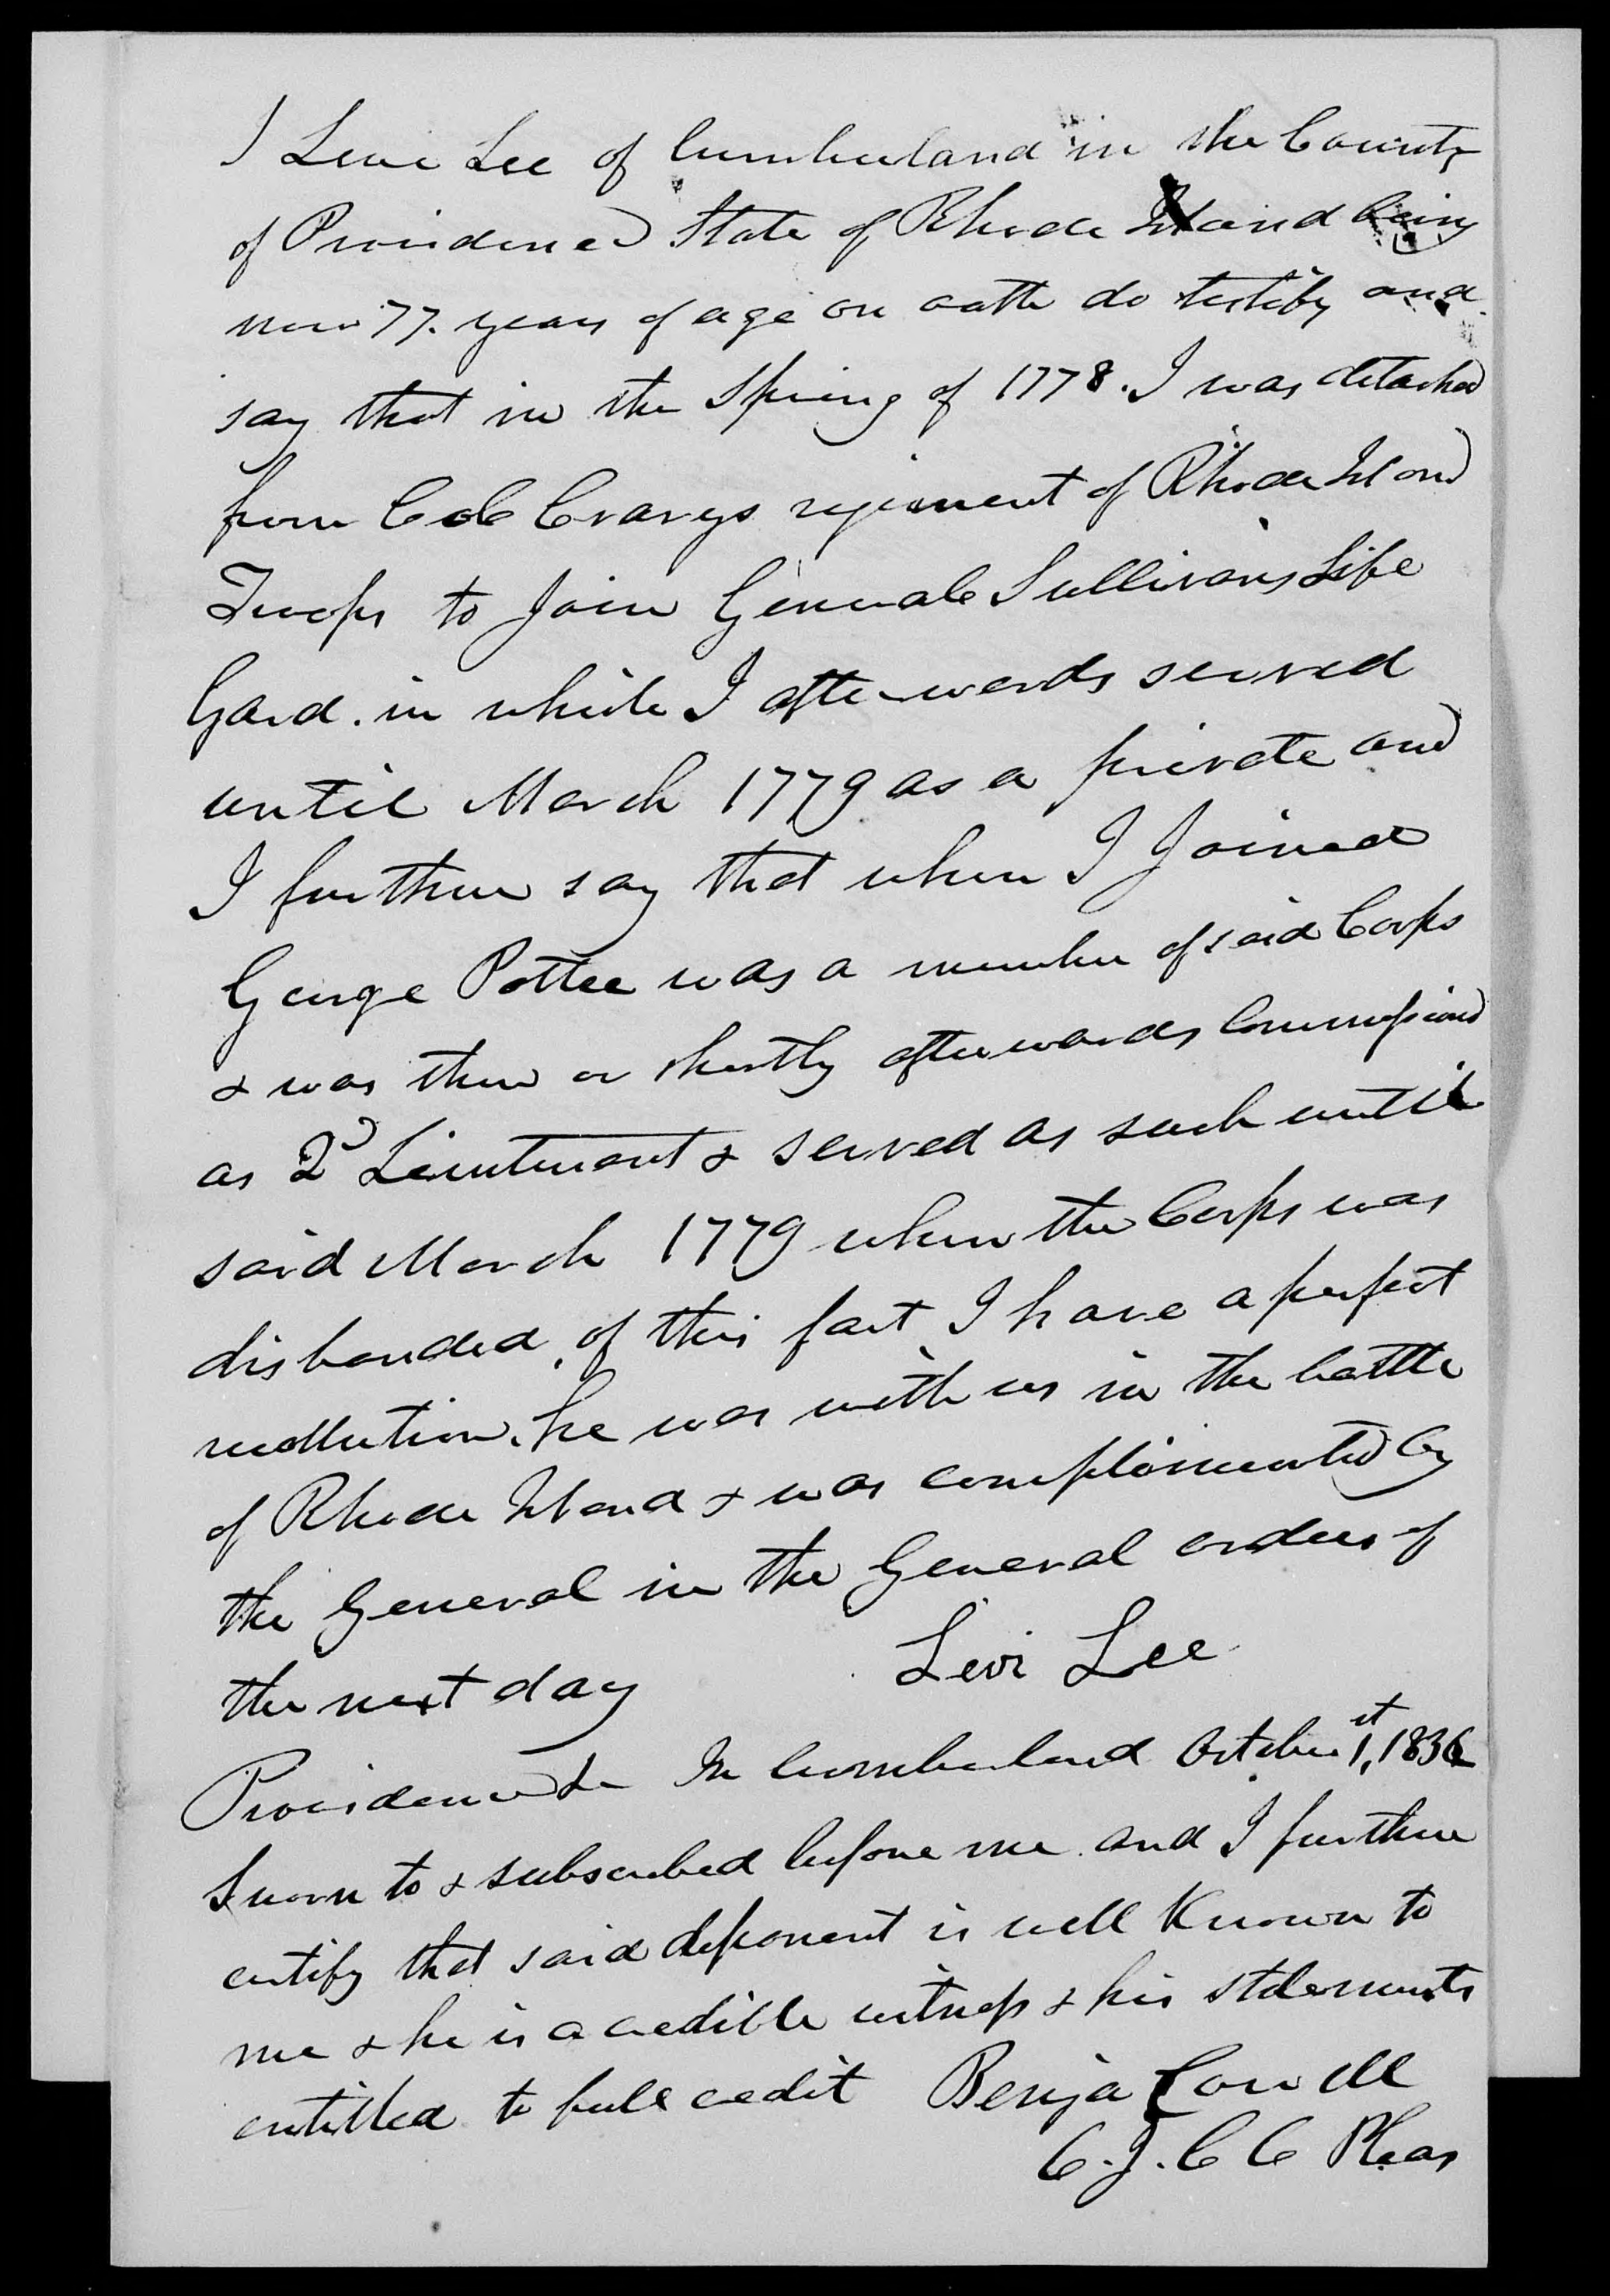I Levi Lee of Cumberland in the County of Providence State of Rhode Island being now 77 years of age and doth do testify and say that in the spring of1778 I was detached from Col. Crary's regiment of Rhode Island Troops to join General Sullivan's Life Guard in while I afterwards served until March 1779 as a private and I further say that when I joined  George Potter was a member of said Corps & was then or shortly afterwards commissioned as 2nd Lieutenant & served as such until said March 1779 when the Corps was disbanded  Of this fact I have a perfect recollection, he was with us in the battle of Rhode Island & was commissioned by the General in the General Order of the next day.

Levi Lee
  Providence  Cumberland October 1, 1836 

Sworn to subscribed before and I further certify that said deponent is well known to me & he is a credible witness & his statements entitled to full credit

Benja Cowell
CJCC Pleas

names: George Potter; Benja Cowell; Levi Lee; [BLANK] Sullivan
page: 39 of 40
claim: widow's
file: W. 16058, for George Potter, Rhode Island